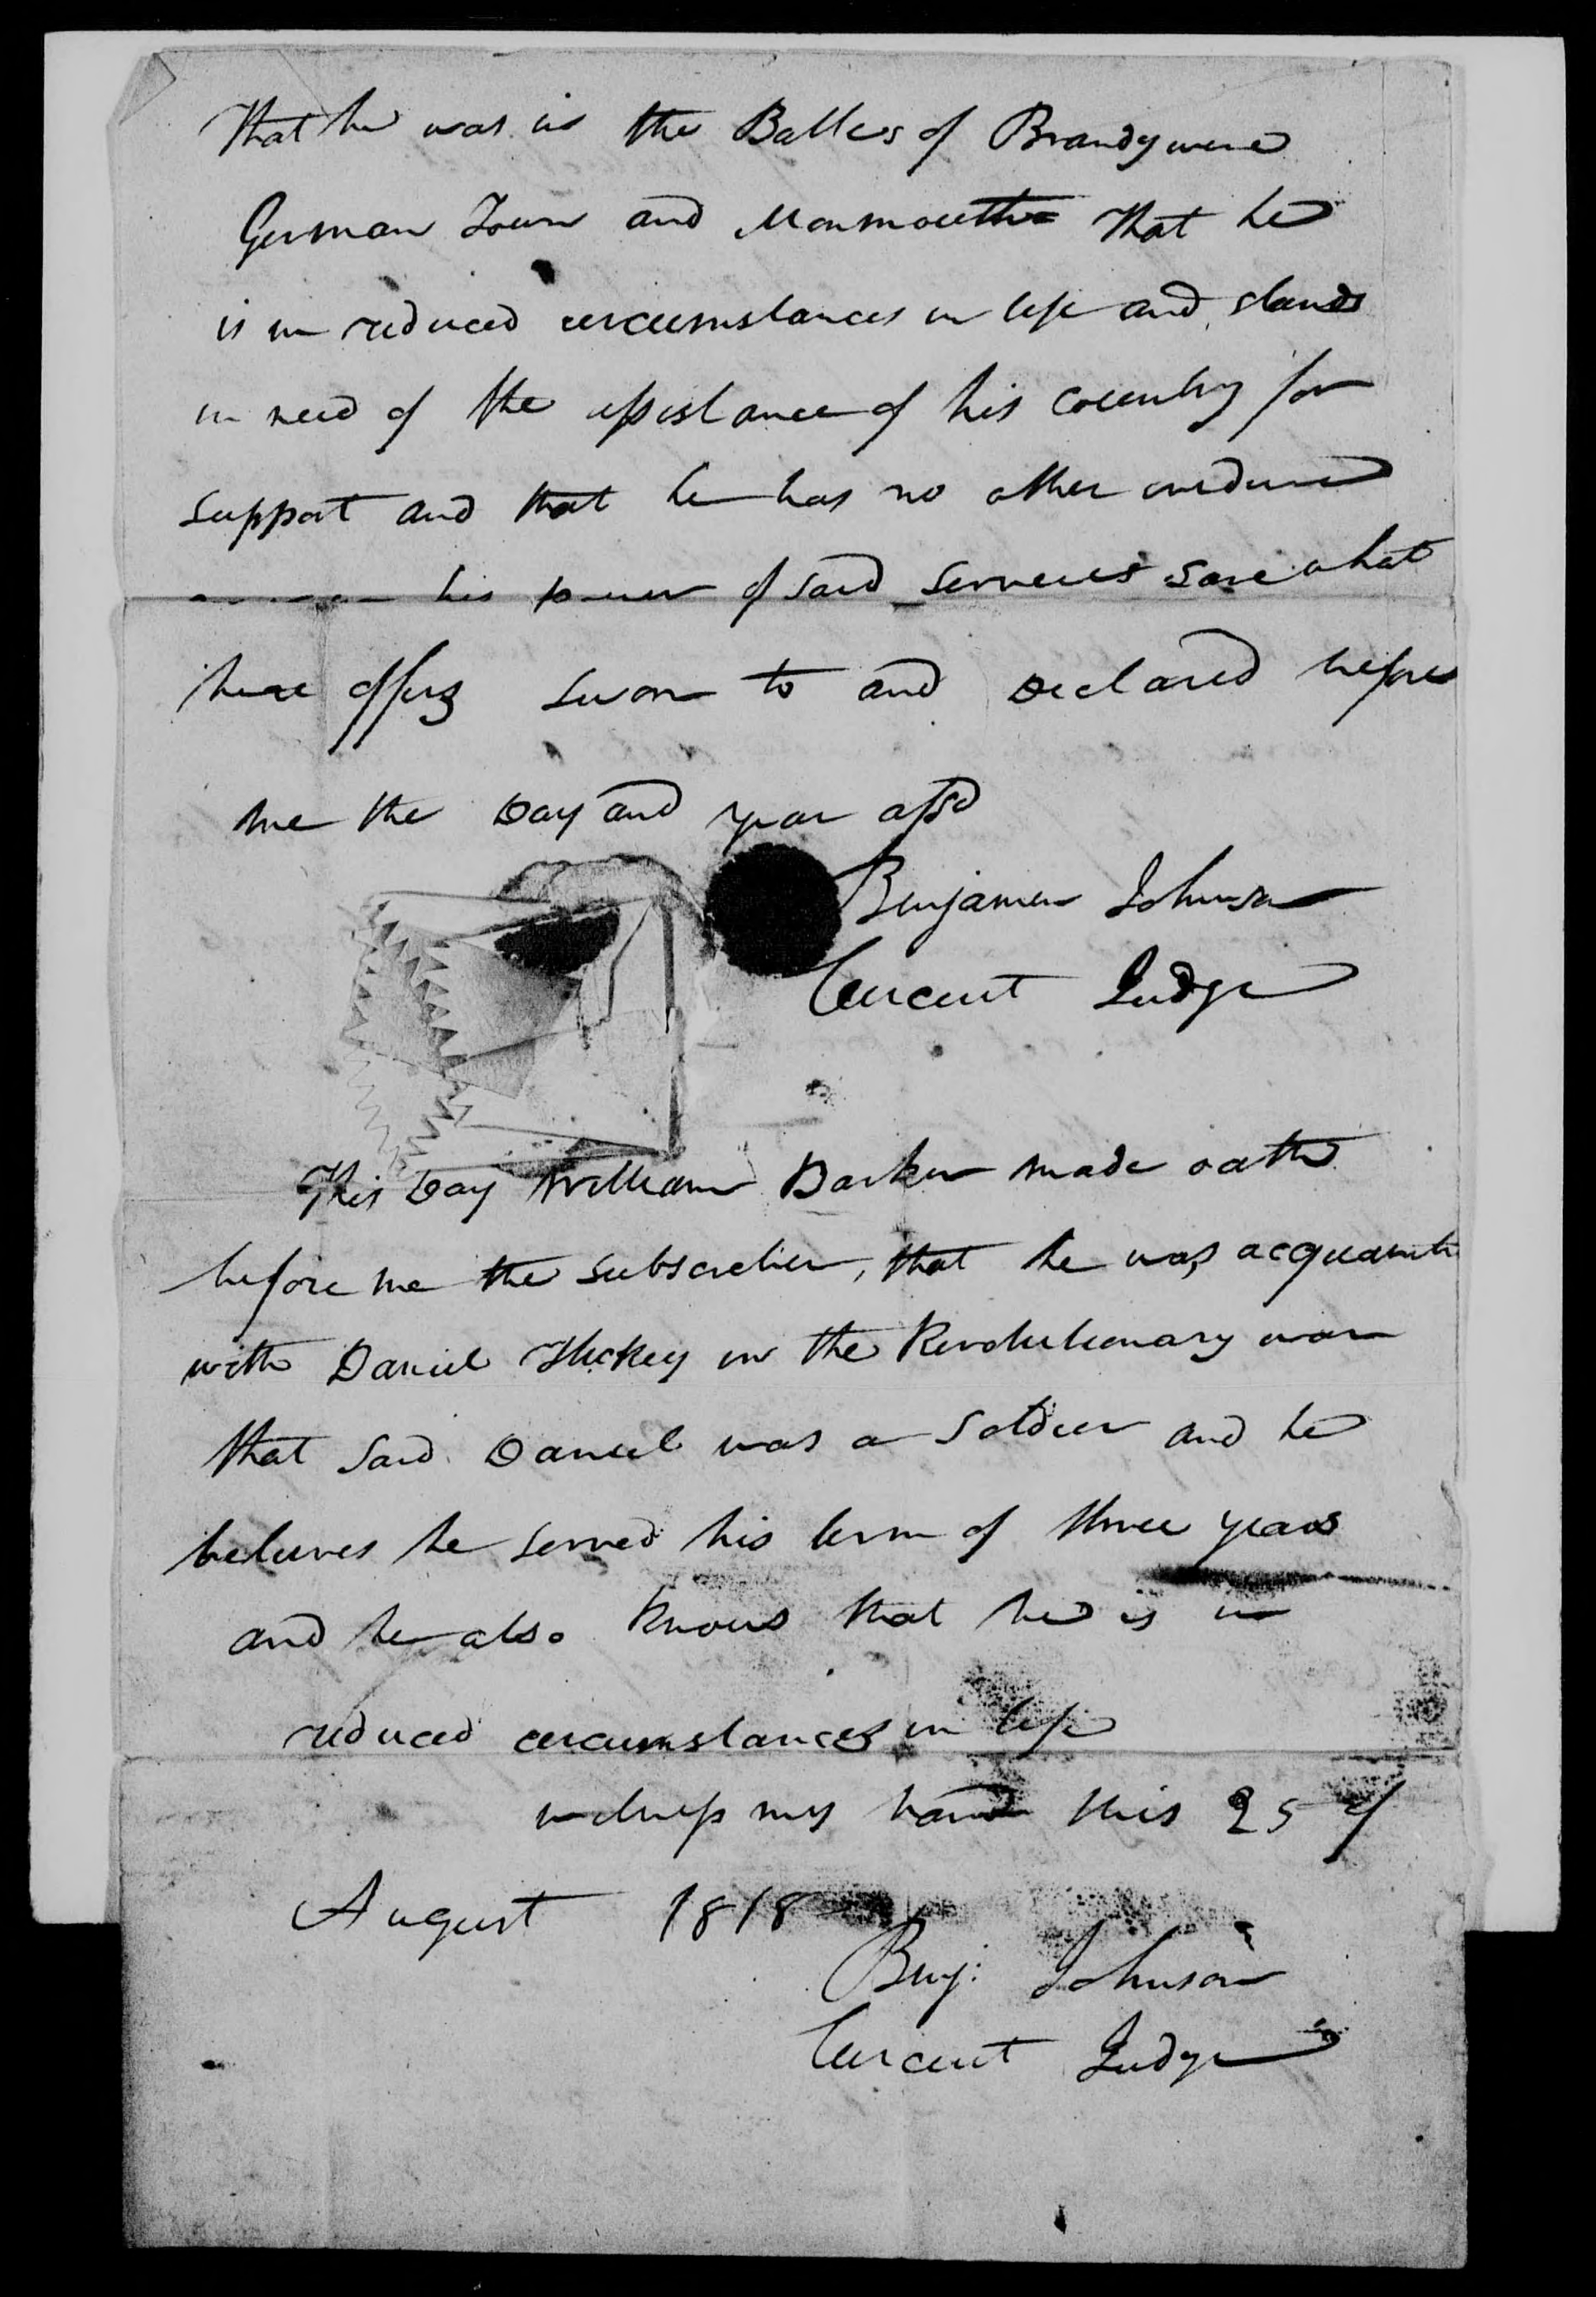that he was in the Battles of Brandywine
GermanTown and Monmouth that he
is in reduced circumstances in life and stands
in need of the assistance of his country for
support and that he has no other evidence
now in his power of said services save what here offers Sworn to and Declared before
me the day and year afsd
Benjamin Johnson [signature]
[seal]
Circuit Judge

This day William Barker made oath
before me the subscriber, that he was acquainted with Daniel Hickey in the Revolutionary war
that said Daniel was a soldier and he
believes he served his term of three years and
he also knows that he is in reduced circumstances in life
witness my hand this 25 of August 1818
Benj. Johnson [signature]
Circuit Judge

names: William Backer, Benj Johnson, Daniel Hickey, Daniel, Benjamin Johnson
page: 10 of 84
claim: widow's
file: W. 7744, Daniel Hickey, Penn.